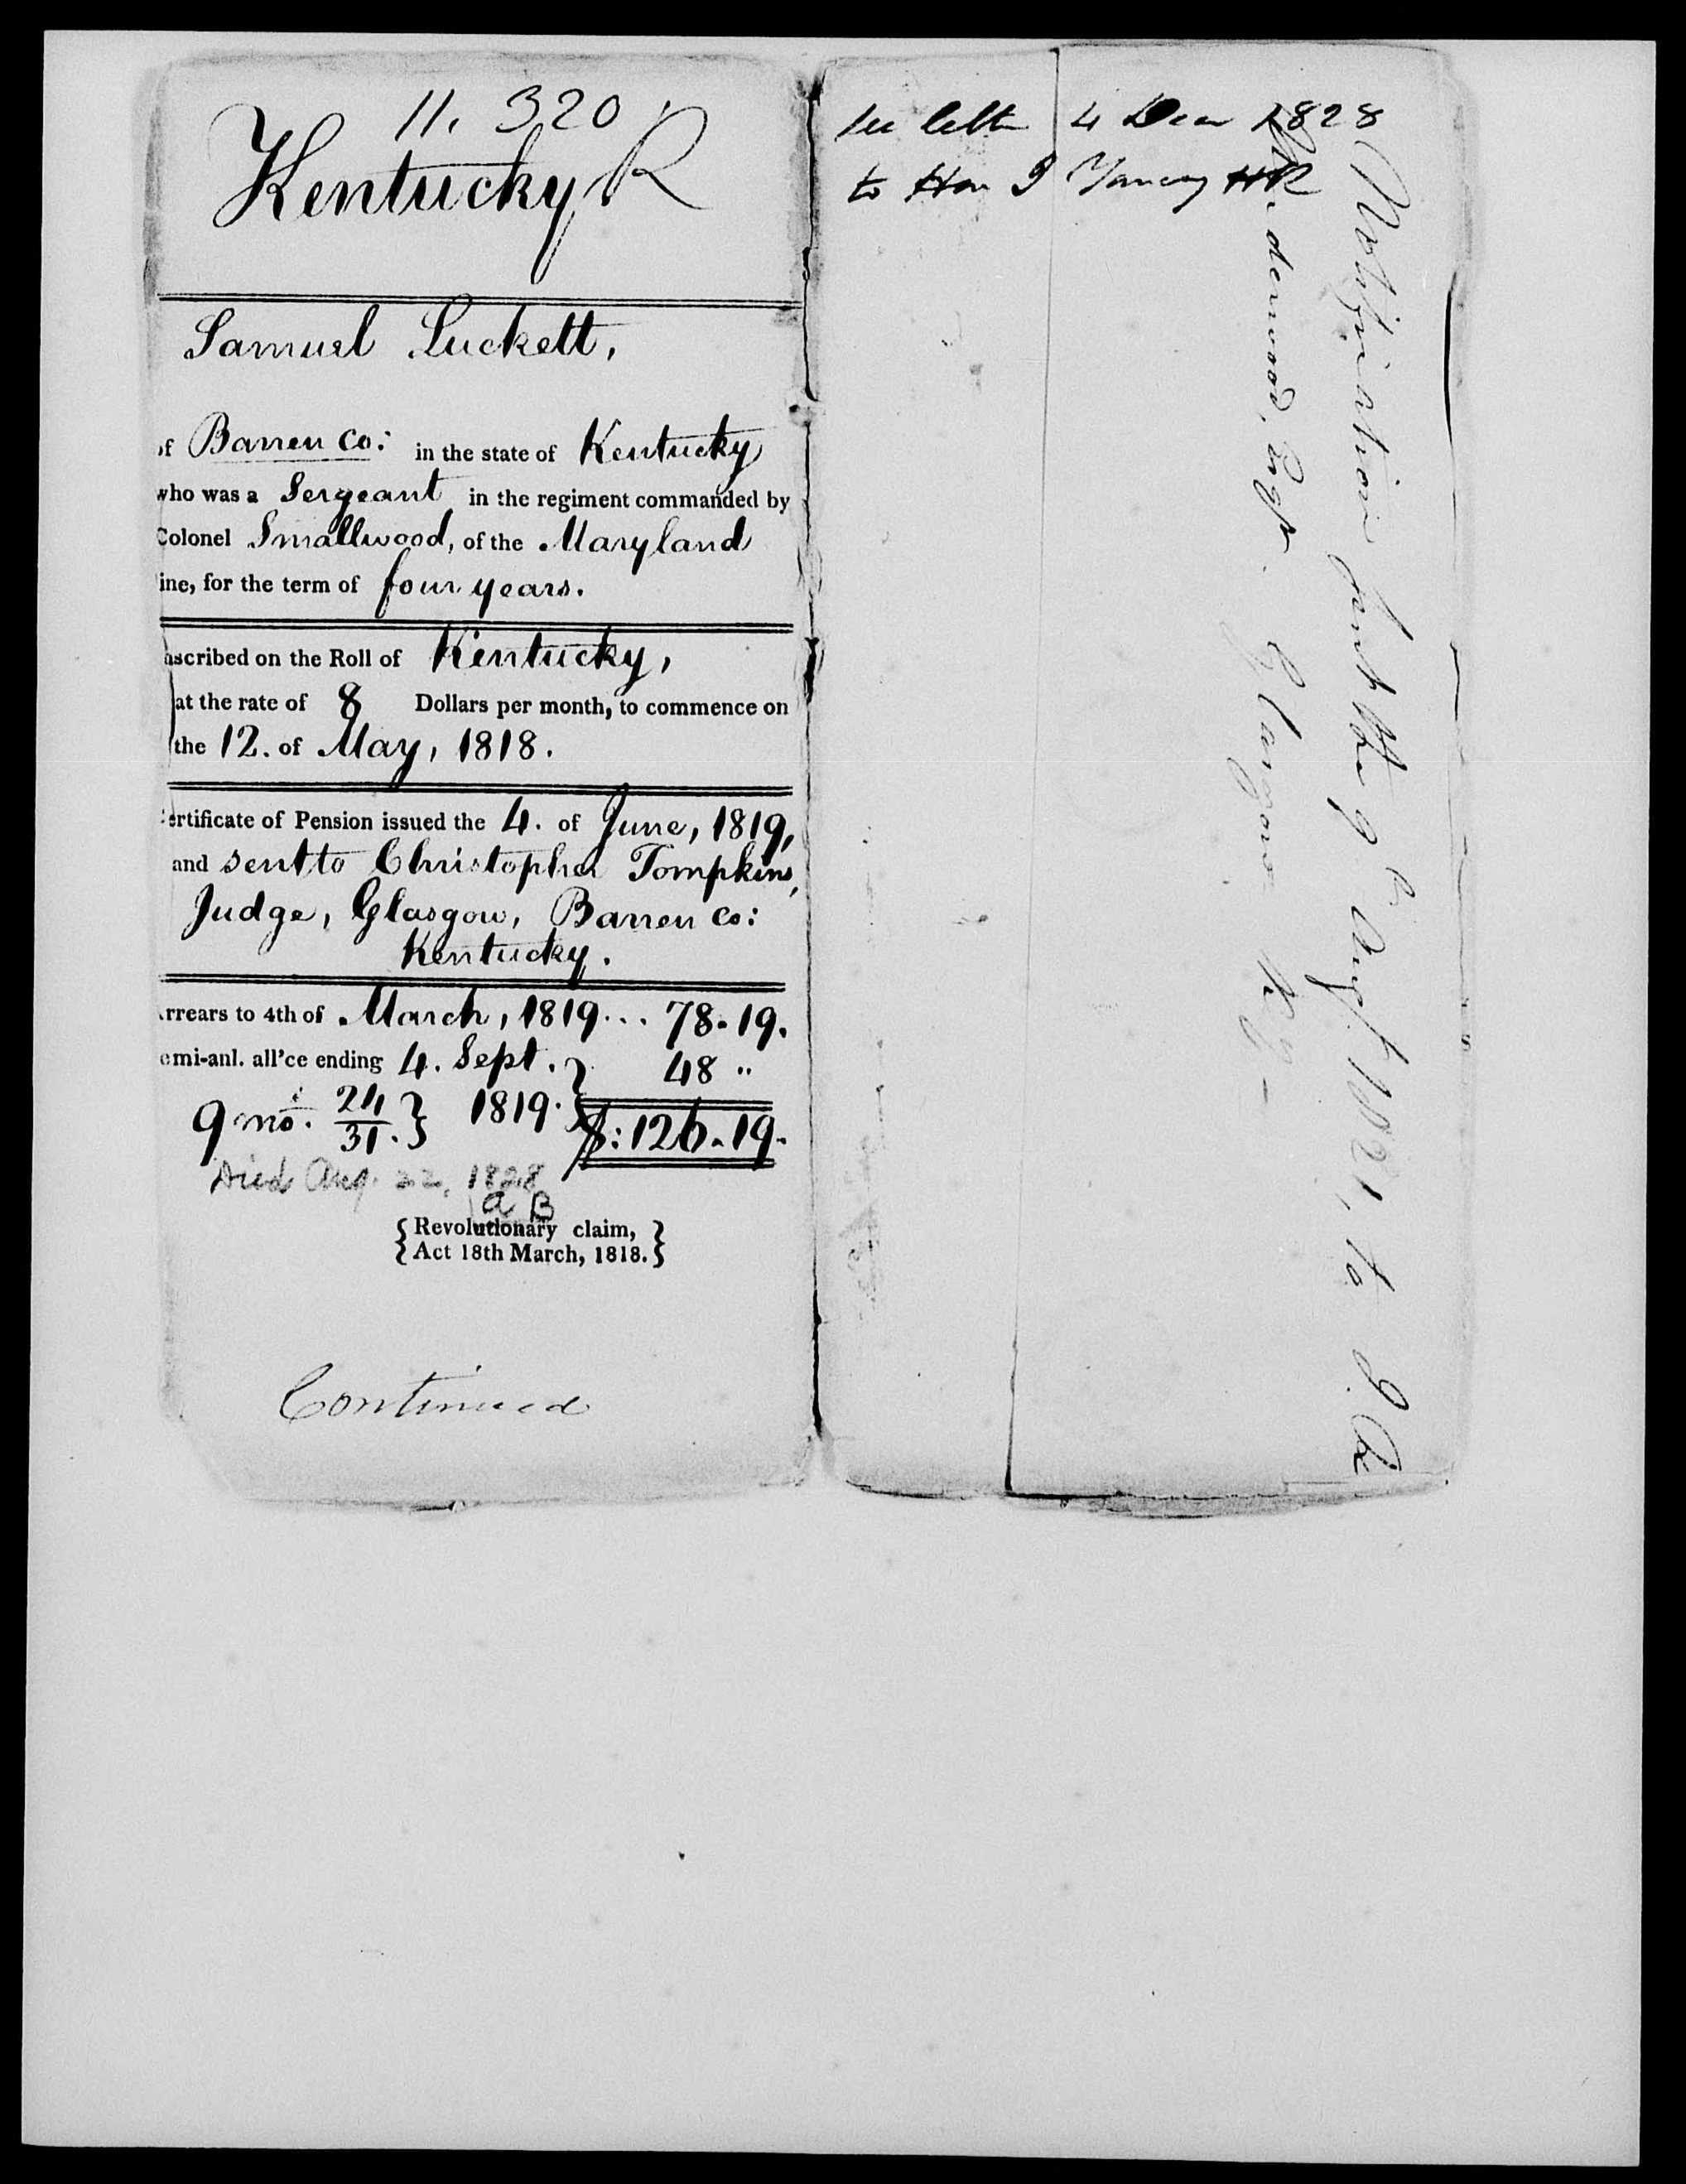Left Side Page

11320
Kentucky

Samuel Luckett

of Barren Co in the state of Kentucky who was a Sergeant in the regiment commanded by Colonel Smallwood of the Maryland line for the term of four years.

Inscribed on the roll of Kentucky at the rate of 8 dollars per month to commence on the 12 of May 1818

Certificate of Pension issued the 4 of June 1819 and sent to Christopher Tompkins Judge, Glasgow, Barren Co Kentucky

Arrears to 4th of March 1819 $78.19
Semi-anl. all'ce ending 4 Sept $48.00

9 mo 24/31 $126.19

Died Aug 22 1828

{Revolutionary Claim Act 18th March 1818}

Continued

Right Side Page

See letter 4 Dec 1828 to Hon J. Yancy H.R.

Notification sent the 9th Aug 1821 to J R Underwood Esq Glasgow, Ky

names: [BLANK] Smallwood; Samuel Luckett; J R Underwood; J Yancy; Christopher Tompkins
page: 2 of 34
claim: survivor's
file: S. 36,051, for Samuel Luckett, Maryland